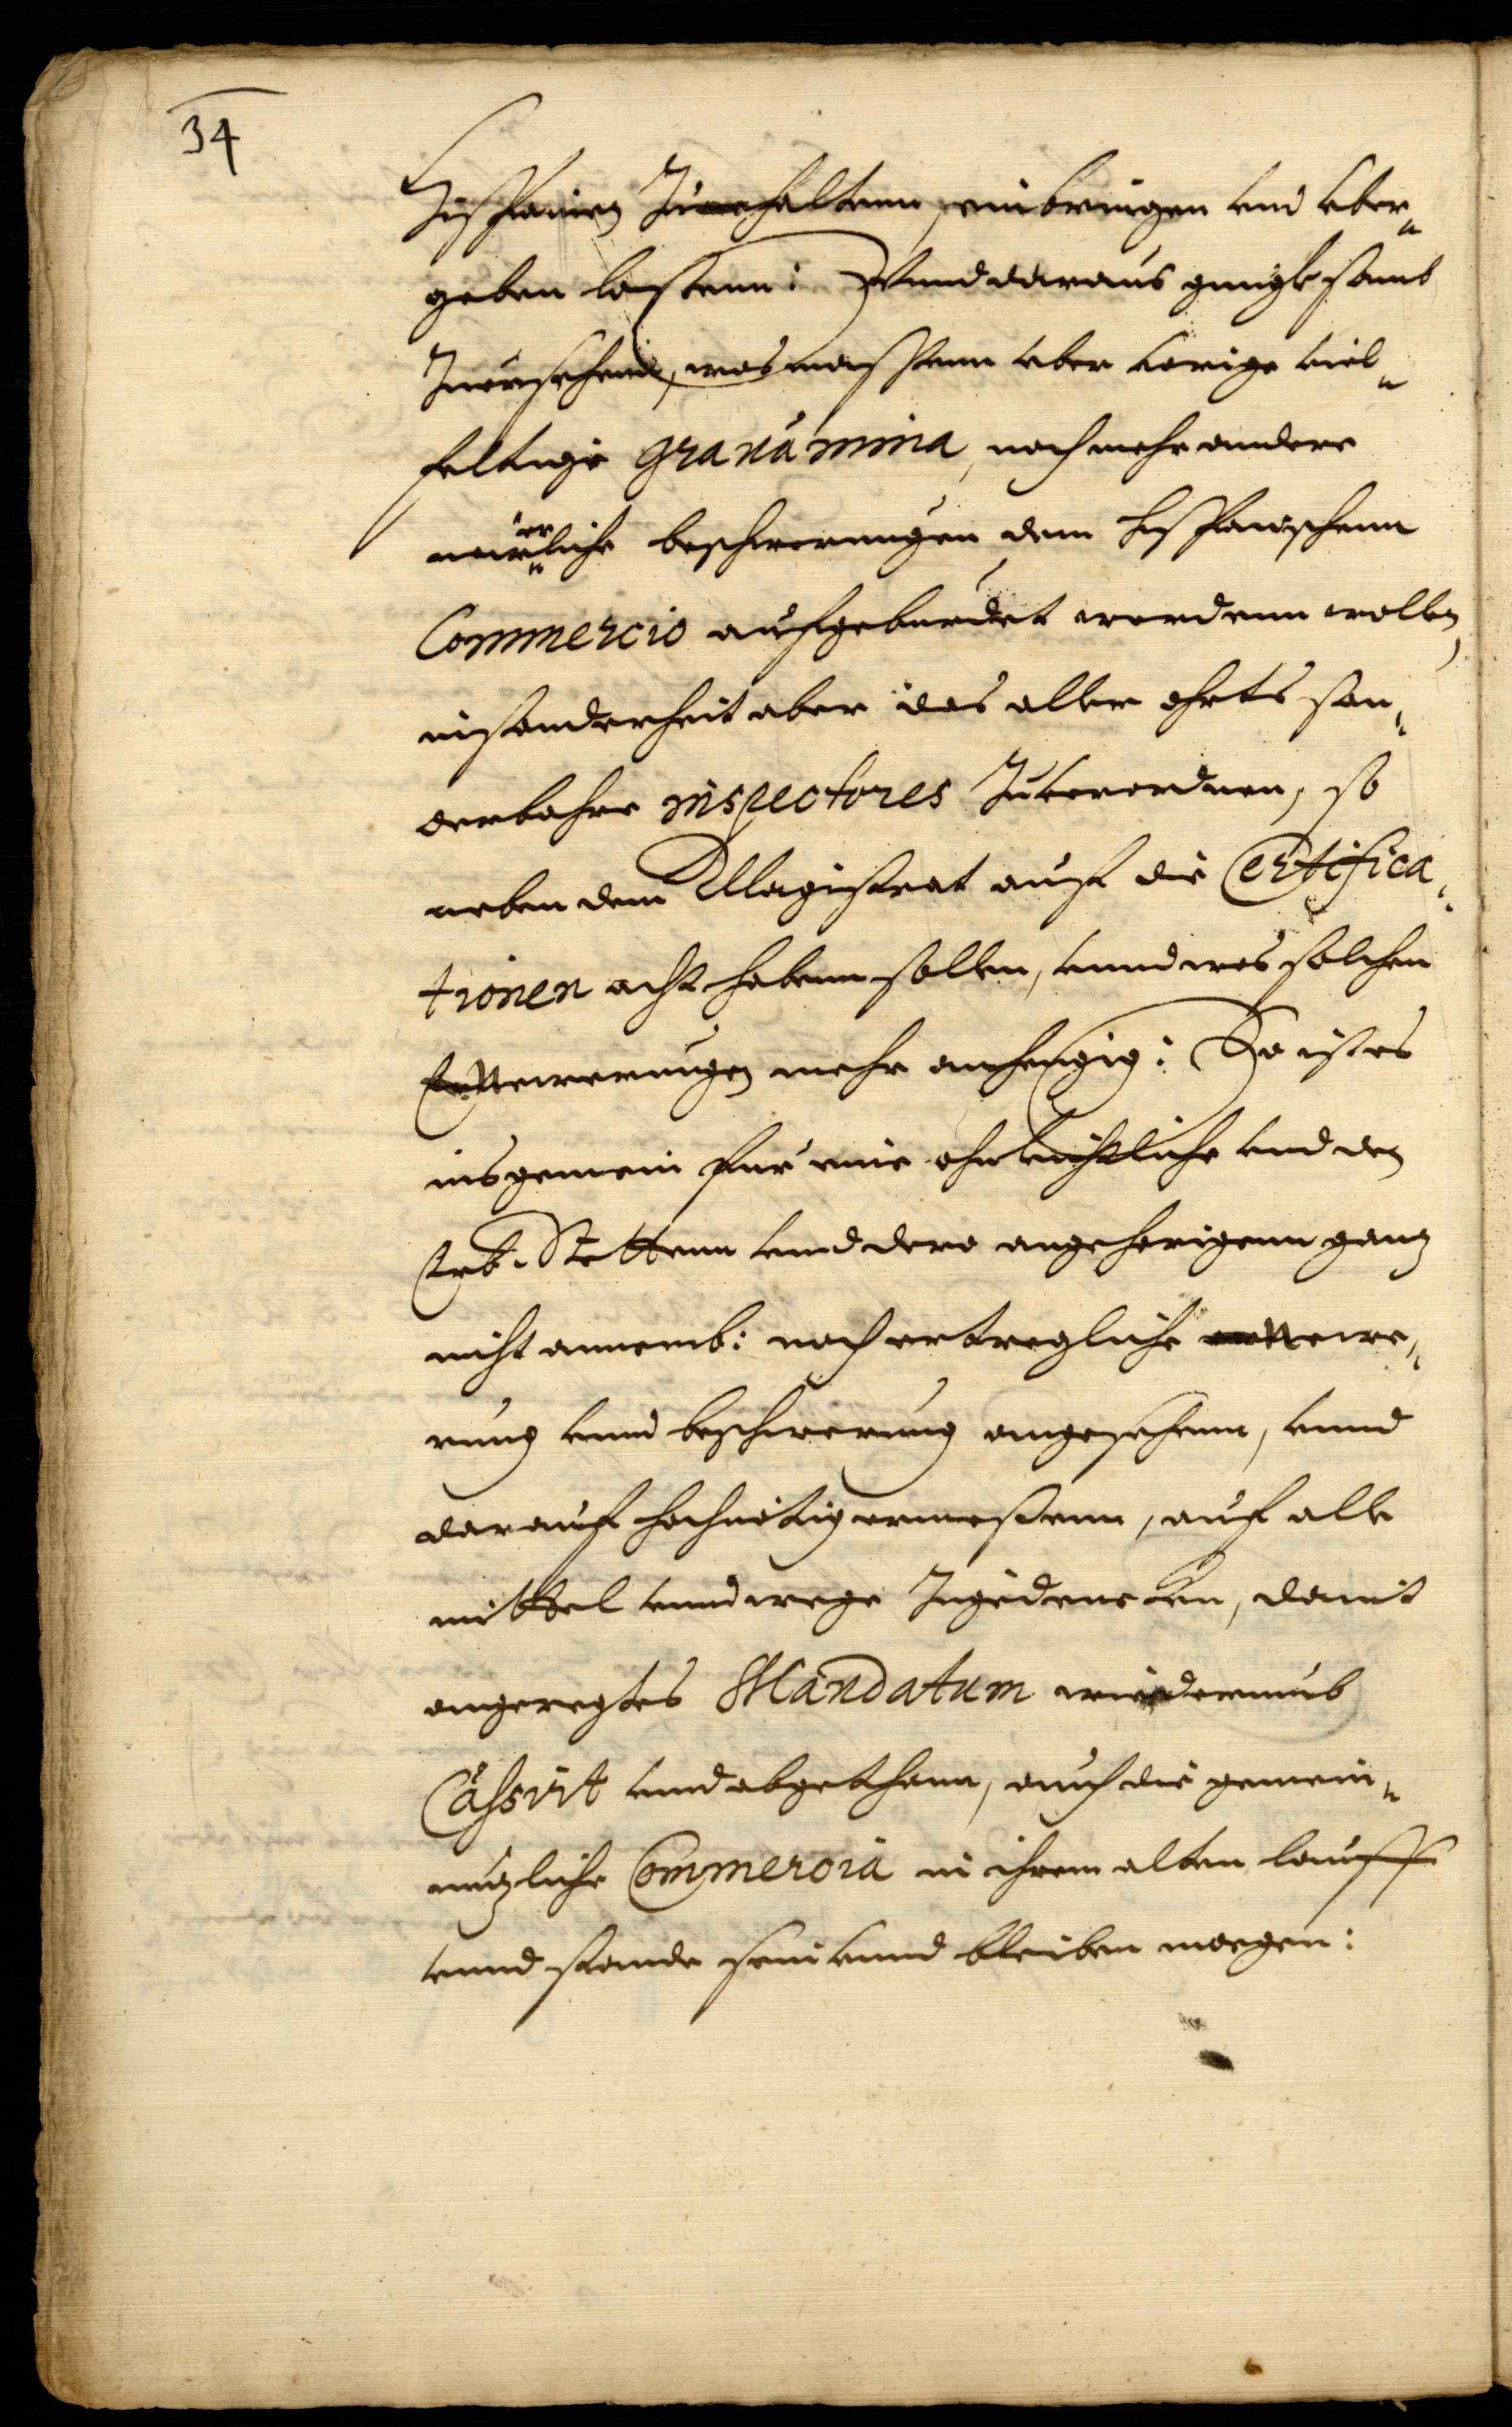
34
Hispanien zuenthaltenn, einbringen vnd vber¬
geben laßennn: Vnnd daraus gnugksamb
zuersehnen, was massenn vber vorige viel¬
feltige grauamina, noch mehr andere
newerliche beschwerungen dem hispanischenn
Commercio aufgeburdet werdenn wollen,
insonderheit aber das aller ohrts son¬
derbahre inspectores zuverordnen, so
neben dem Magistrat auf die Certifica¬
tionen acht habenn sollen, vnnd was solchen
ErNewerungen mehr anhengig: So ist es
insgemein fur eine ohleuchtliche vnd den
Erb. Stettenn vnnd dero angehorigenn gantz
nicht annemb: noch ertregliche erNewe¬
rung vnnd beschwerung angesehenn, vnnd
darauf hochnötig ermeßenn, auf alle
mittel vnnd wege zugedencken, damit
angeregtes Mandatum wiederumb
Cassirt vnnd abgethann, auch die gemein¬
nutzliche Commercia in ihrem alten lauff
vnnd stande sein vnnd bleiben moegen:
